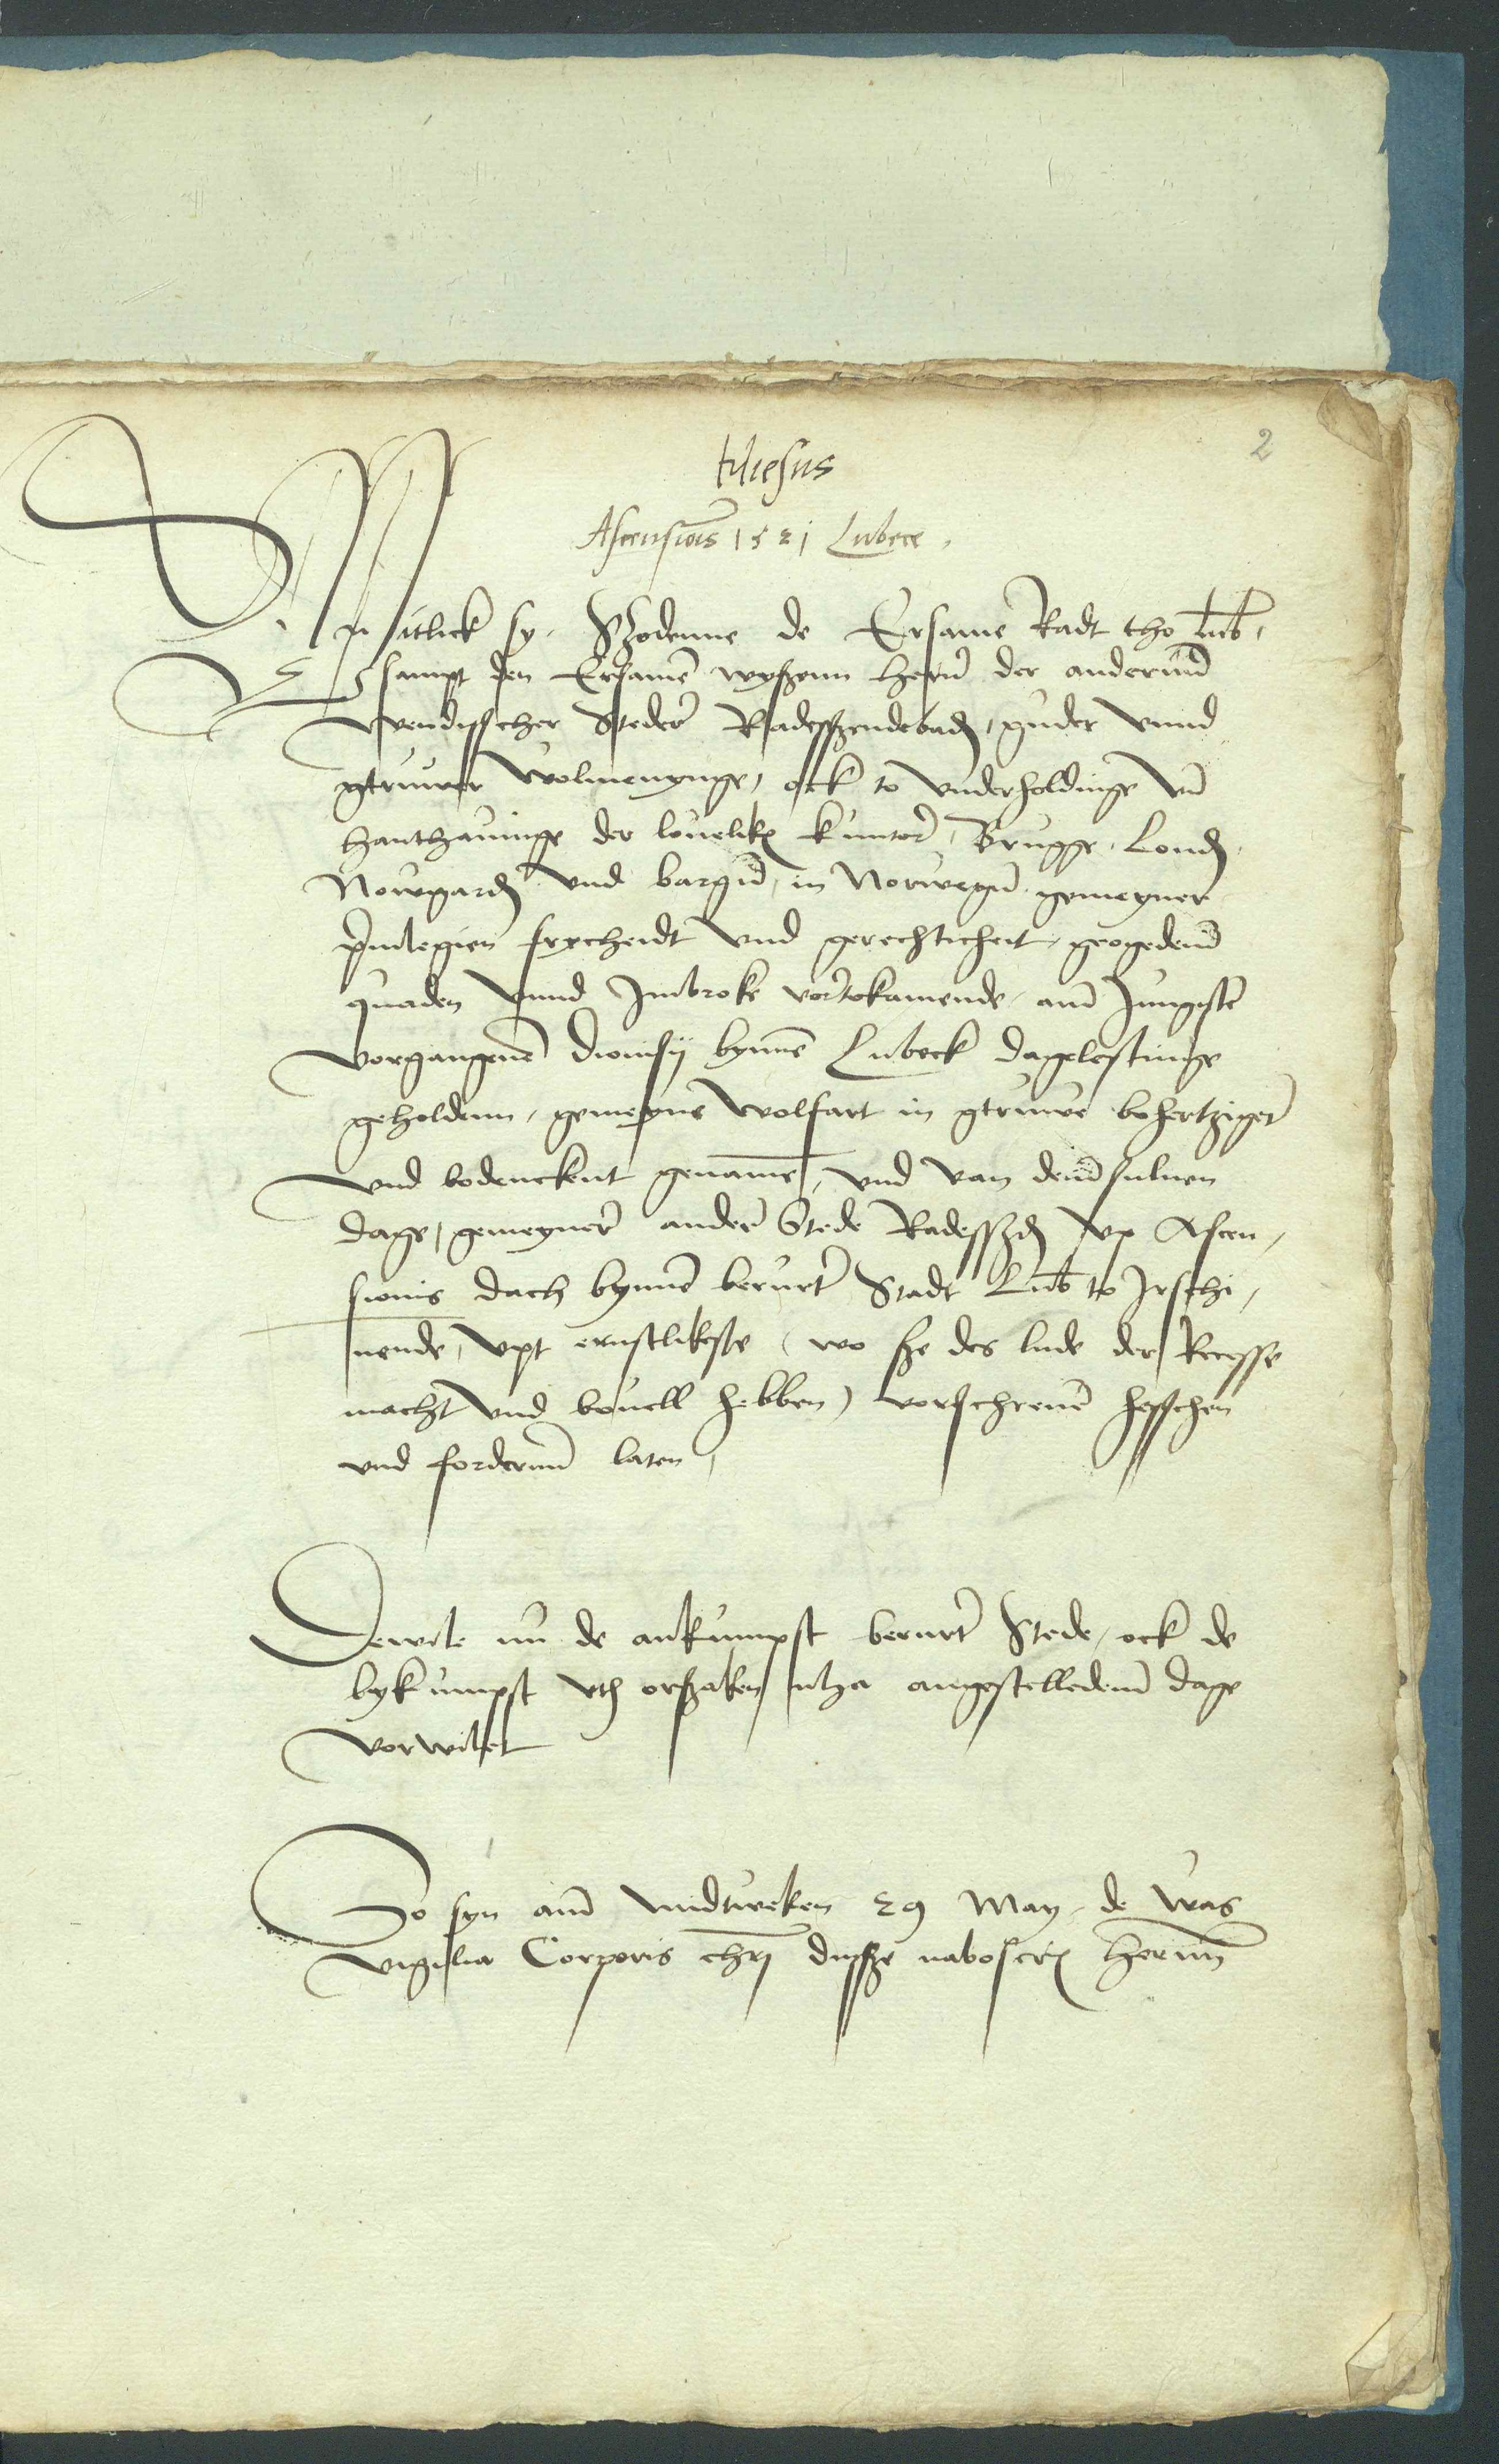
Hiesus
Ascensionis 1521 Lubece,
Witlick sy Szodenne de Ersame Radt tho Lubeck
sampt den Ersamen wyßenn hernn der andernn
wendischer Steder Radesßendebaden, guder vnnd
gtruwer wolmenynge, ock to vnderholdinge vnd
Hanthauinge der loueliken kuntore, Brugge, Londen
Nowgarden vnd bargen in Norwegen gemeyner
priuilegien frycheidt vnd gerechticheit, geogedenn
quaden vnnd Jmbroke vortokamende, ame Jungsten
vorgangenen dionisij bynnen Lubeck dagelestinge
geholdenn, gemeyne wolfart in getruwe bohertziget
vnd bodencket genamen vnd van dem suluen
dage gemeyner anderer Stede Radesßendebaden vp Ascen¬
sionis dach bynnen berurter Stadt Lubeck to Jrschi¬
nende, vpt ernstlikeste (wo sze des lude der Recesse
macht vnd bouell hebben) vorschreuen hesschen
vnd fordernn laten,
Dewile nu de ankumpst berurter Stede ock de
bykumpst vth orszaken nha angestelledem dage
vorwilet
So syn am midweken 29 May de was
vigilia Corporis christj dusße naboscreuen Hernn
